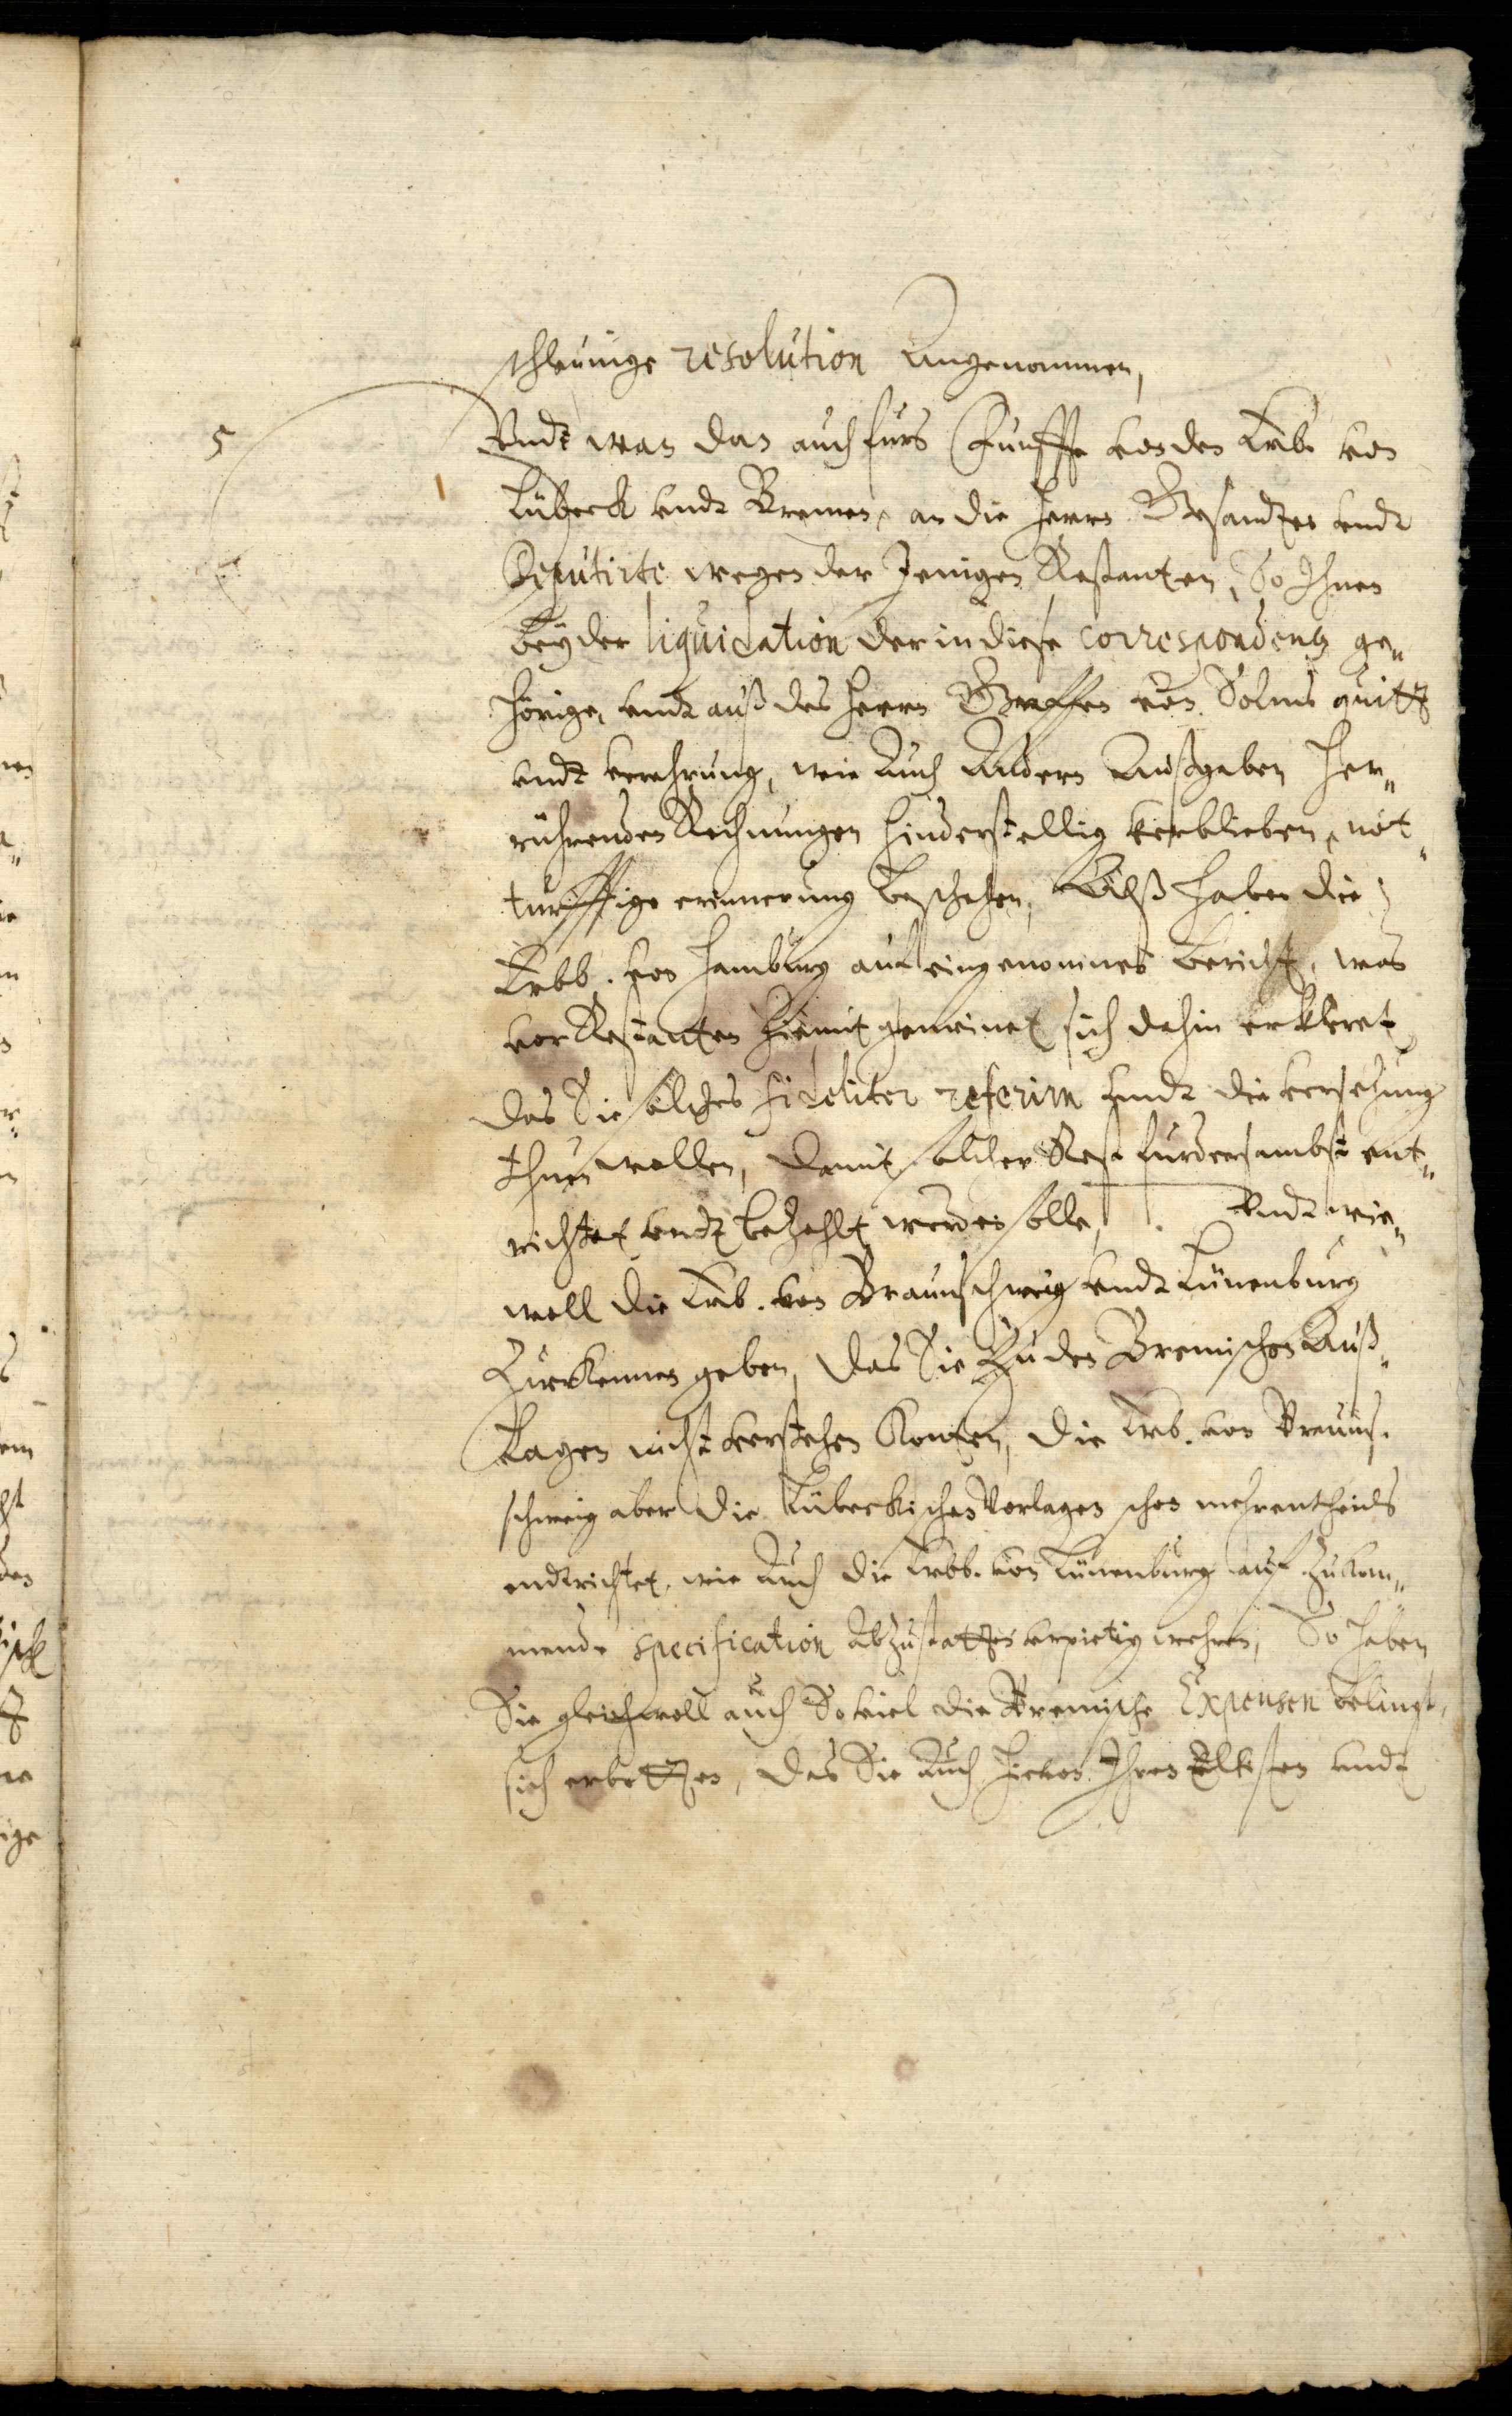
schleunige resolution Angenommen,
5
Vndt wan dan auch furs Funffte von den Erb. von
Lübeck vndt Bremen, an die Herrn Gesandten vndt
Deputirte wegen der jenigen Restanten, So Ihnen
beij der liquidation der in diese correspondentz ge¬
hörige, vndt auß des Herrn Graffen von Solms quitt¬
vndt verehrung, wie Auch Andern Außgaben, her¬
rührenden Rechnungen hinderstellig verblieben, not¬
turfftige erinnerung beschehen, Alß haben die
Erbb. von Hamburg auf eingenomnes bericht, was
vor Restanten hiemit gemeinet sich dahin erkleret,
das Sie solches fideliter referirn vndt die versehung
thuen wollen, damit solcher Rest furdersambst ent¬
richtet vndt bezahlt werden solle, Vndt wie¬
woll die Erb. von Braunschweig vndt Lünenburg
zuerkennen geben, das Sie zu den Bremischen Auß¬
lagen nicht verstehen konten, die Erb. von Brauns¬
schweig aber die Lubeckischen Vorlagen schon mehrentheils
endtrichtet, wie Auch die Erbb. von Lünenburg auf zukom¬
mende specification Abzustatten vrpietig wehren, So haben
Sie gleichwoll auch So viel die Bremische Expensen belingt,
sich erbotten, das Sie Auch hievon Ihren Eltisten vndt
